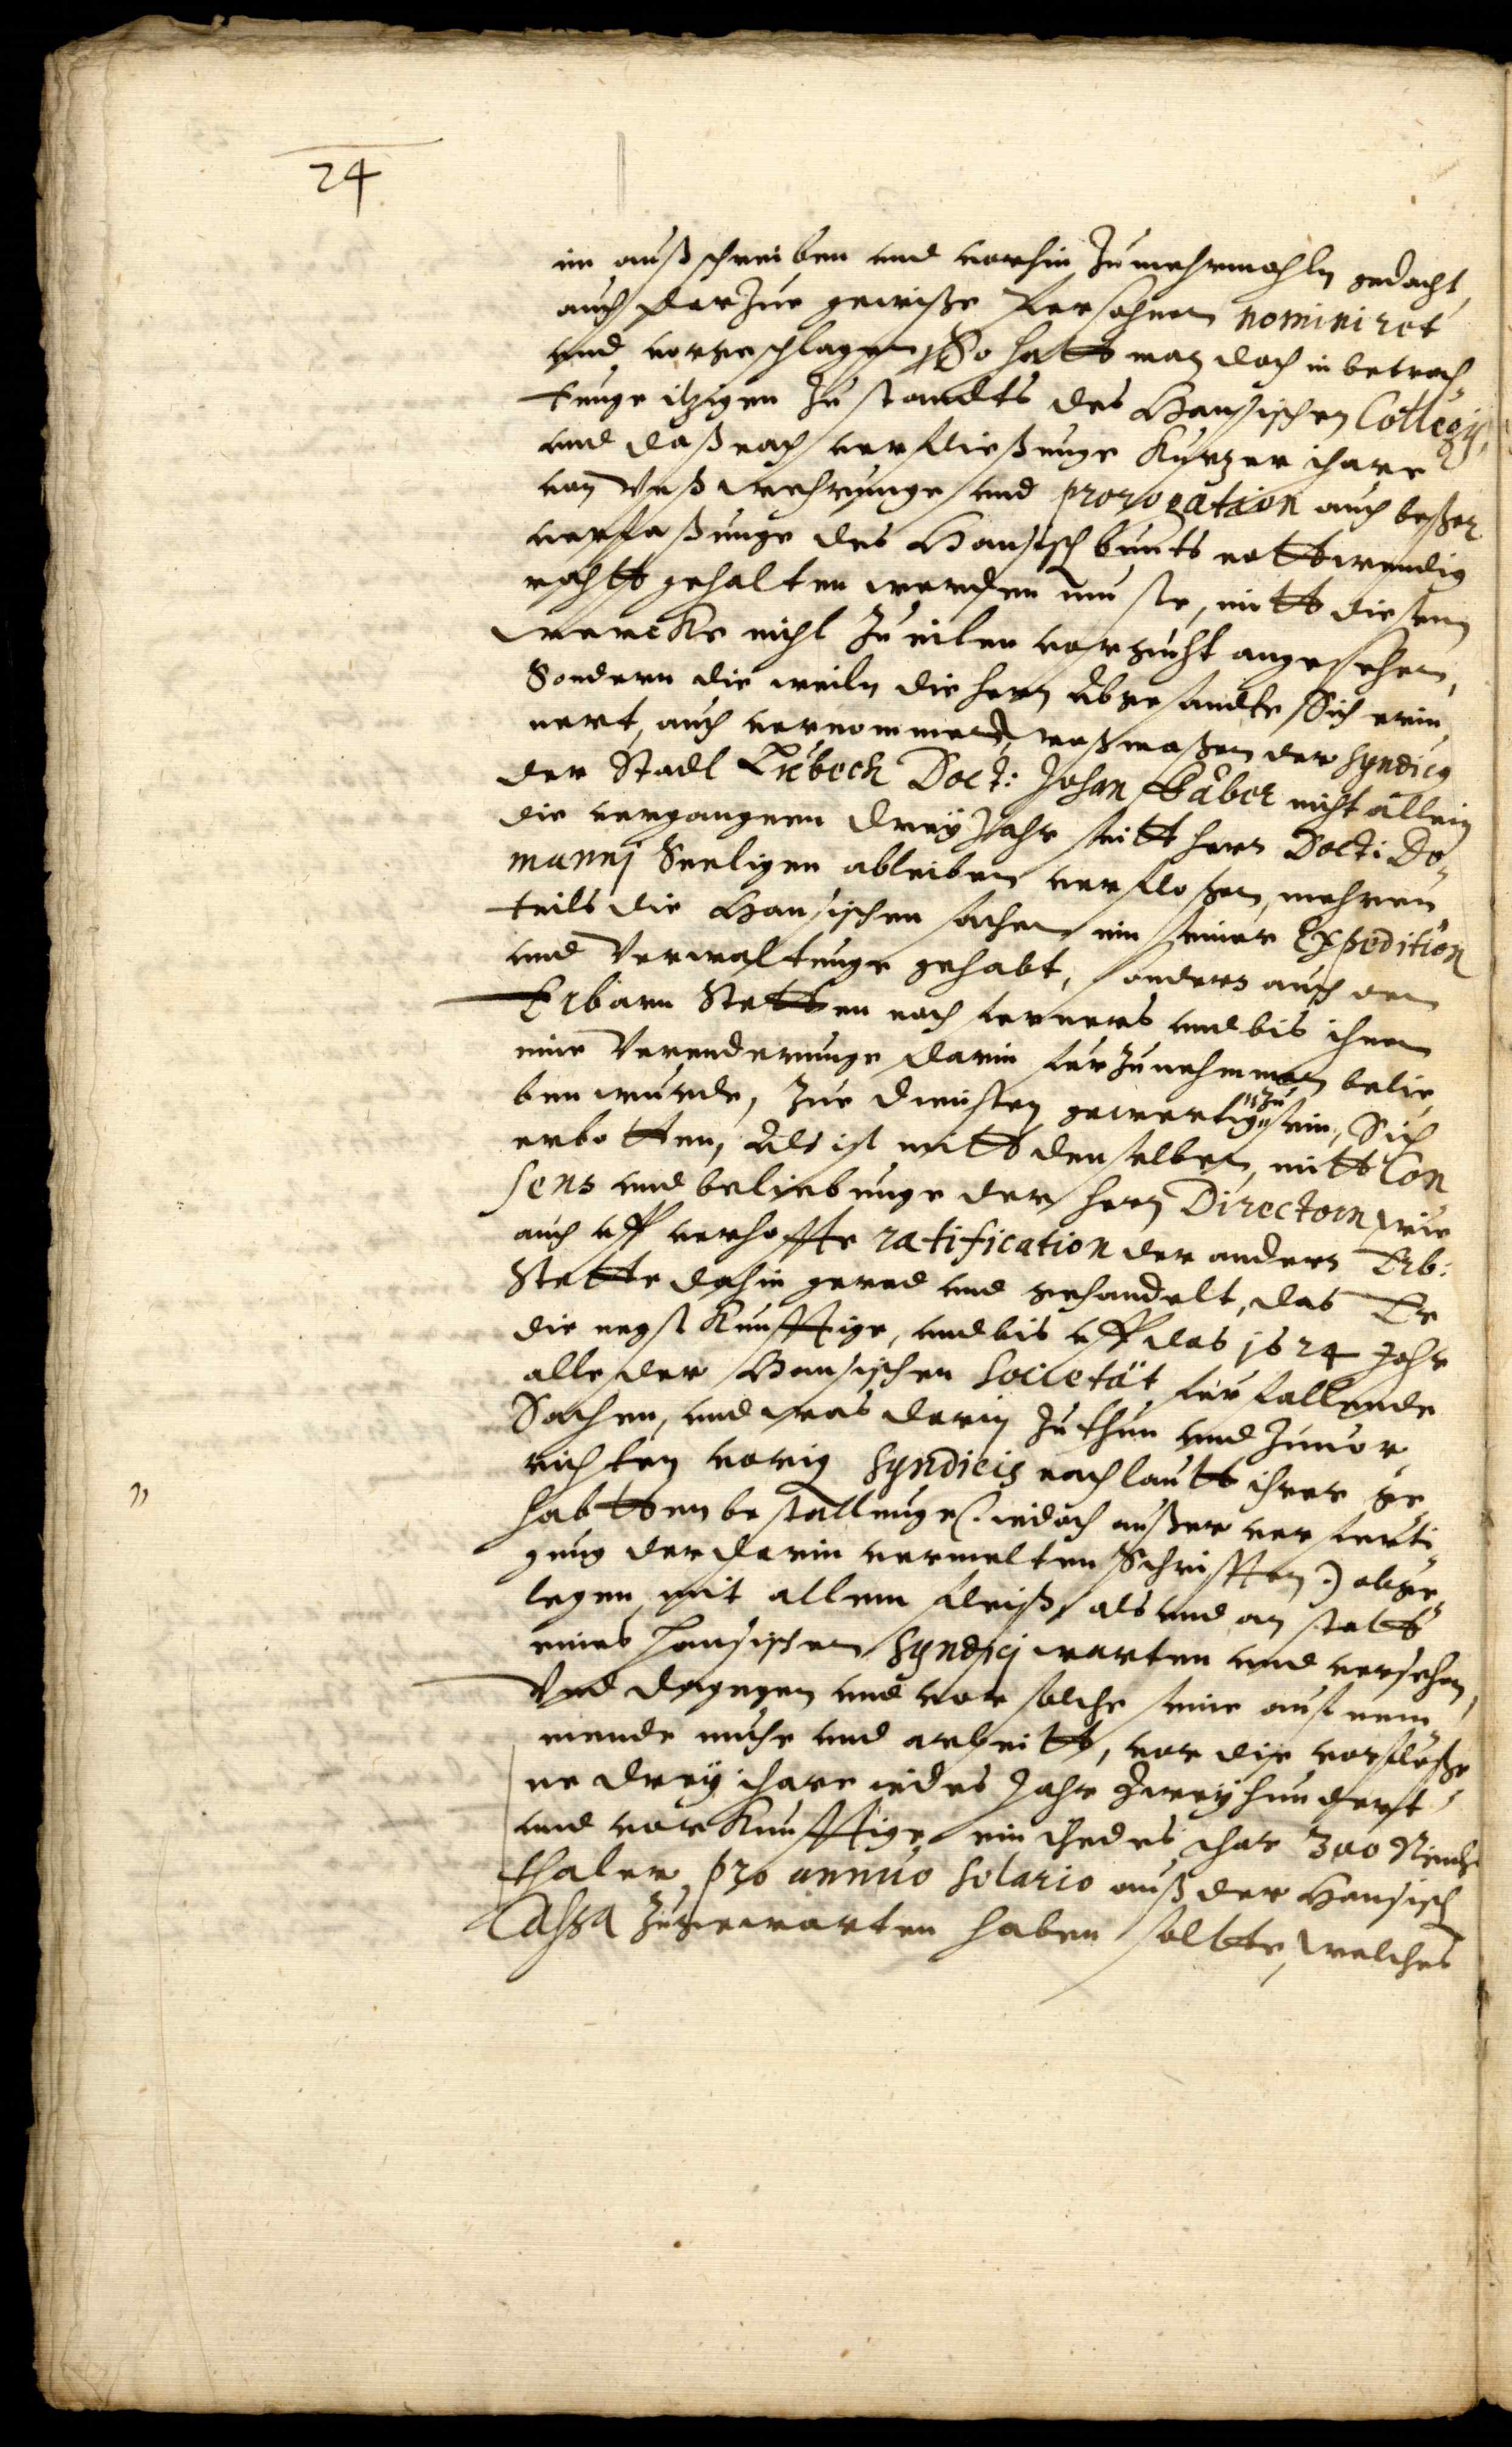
24
im außschreiben vnd vorhin Zu mehrmahln gedacht,
auch darZue gewiße Persohnen nominiret
vnd vorgeschlagen, So hatt man doch in betrach¬
tunge itzigen Zustandts des Hansischen Collegy,
vnd daß nach verfließunge kurzer ihare
von Veßwehrunge vnd provocation auch beßer
verfaßunge des Hansichen bunts nottwendig
rahtt gehalten werden muste, mitt diesem
wercke nicht Zu eilen vor guht angesehn,
Sondern die weiln die hern Abgesandte Sich erin¬
nert, auch vernommen, waß maßen der Syndicus
der Stadt Lubeck Doct: Johan Faber nicht allein
die vergangene dreij Iahr seitt hern Doct: Do¬
mannj Seeligen ableiben verfloßen, mehren=
teils die Hansischen sachen inn seiner Expedition
vnd Verwaltunge gehabt, sondern auch den
Erbarn Stetten noch ferners vnd bis ihnen
eine Verenderunge darin furZunehmen belie¬
* zu
ben wurde, Zue Diensten gewertig * sein, Sich
erbotten, Als ist mitt denselben, mitt Con¬
sens vnd beliebunge der hern Directorn wie
auch auff verhoffte ratification der andern Erb:
Stette dahin gered vnd gehandelt, das Er
die negst kunfftige, vnd bis auff das i624 Iahr
alle der Hansischen Societät furfallende
Sachen, vnd was darin Zu thun vnd Zuuor¬
richten vorigen Syndicis nach lautt ihrer ge¬
habtten bestallunge ( . iedoch außer verferti¬
gung der darin vermelten Schriften . ) abge¬
legen mit allem fleiß als vnd an statt
eines Hansischen Syndicj warten vnd versehen,
Vnd dagegen vnd vor solche seine außnem¬
mende muhe vnd arbeitt, vor die verfloße¬
ne dreij ihare iedes Iahr Zweijhundert
vnd vor kunfftige ein ihedes ihar 300 Reichs¬
thaler pro annuo Solario aus der Hansichen
Cassa Zugewarten haben sollte, welches
